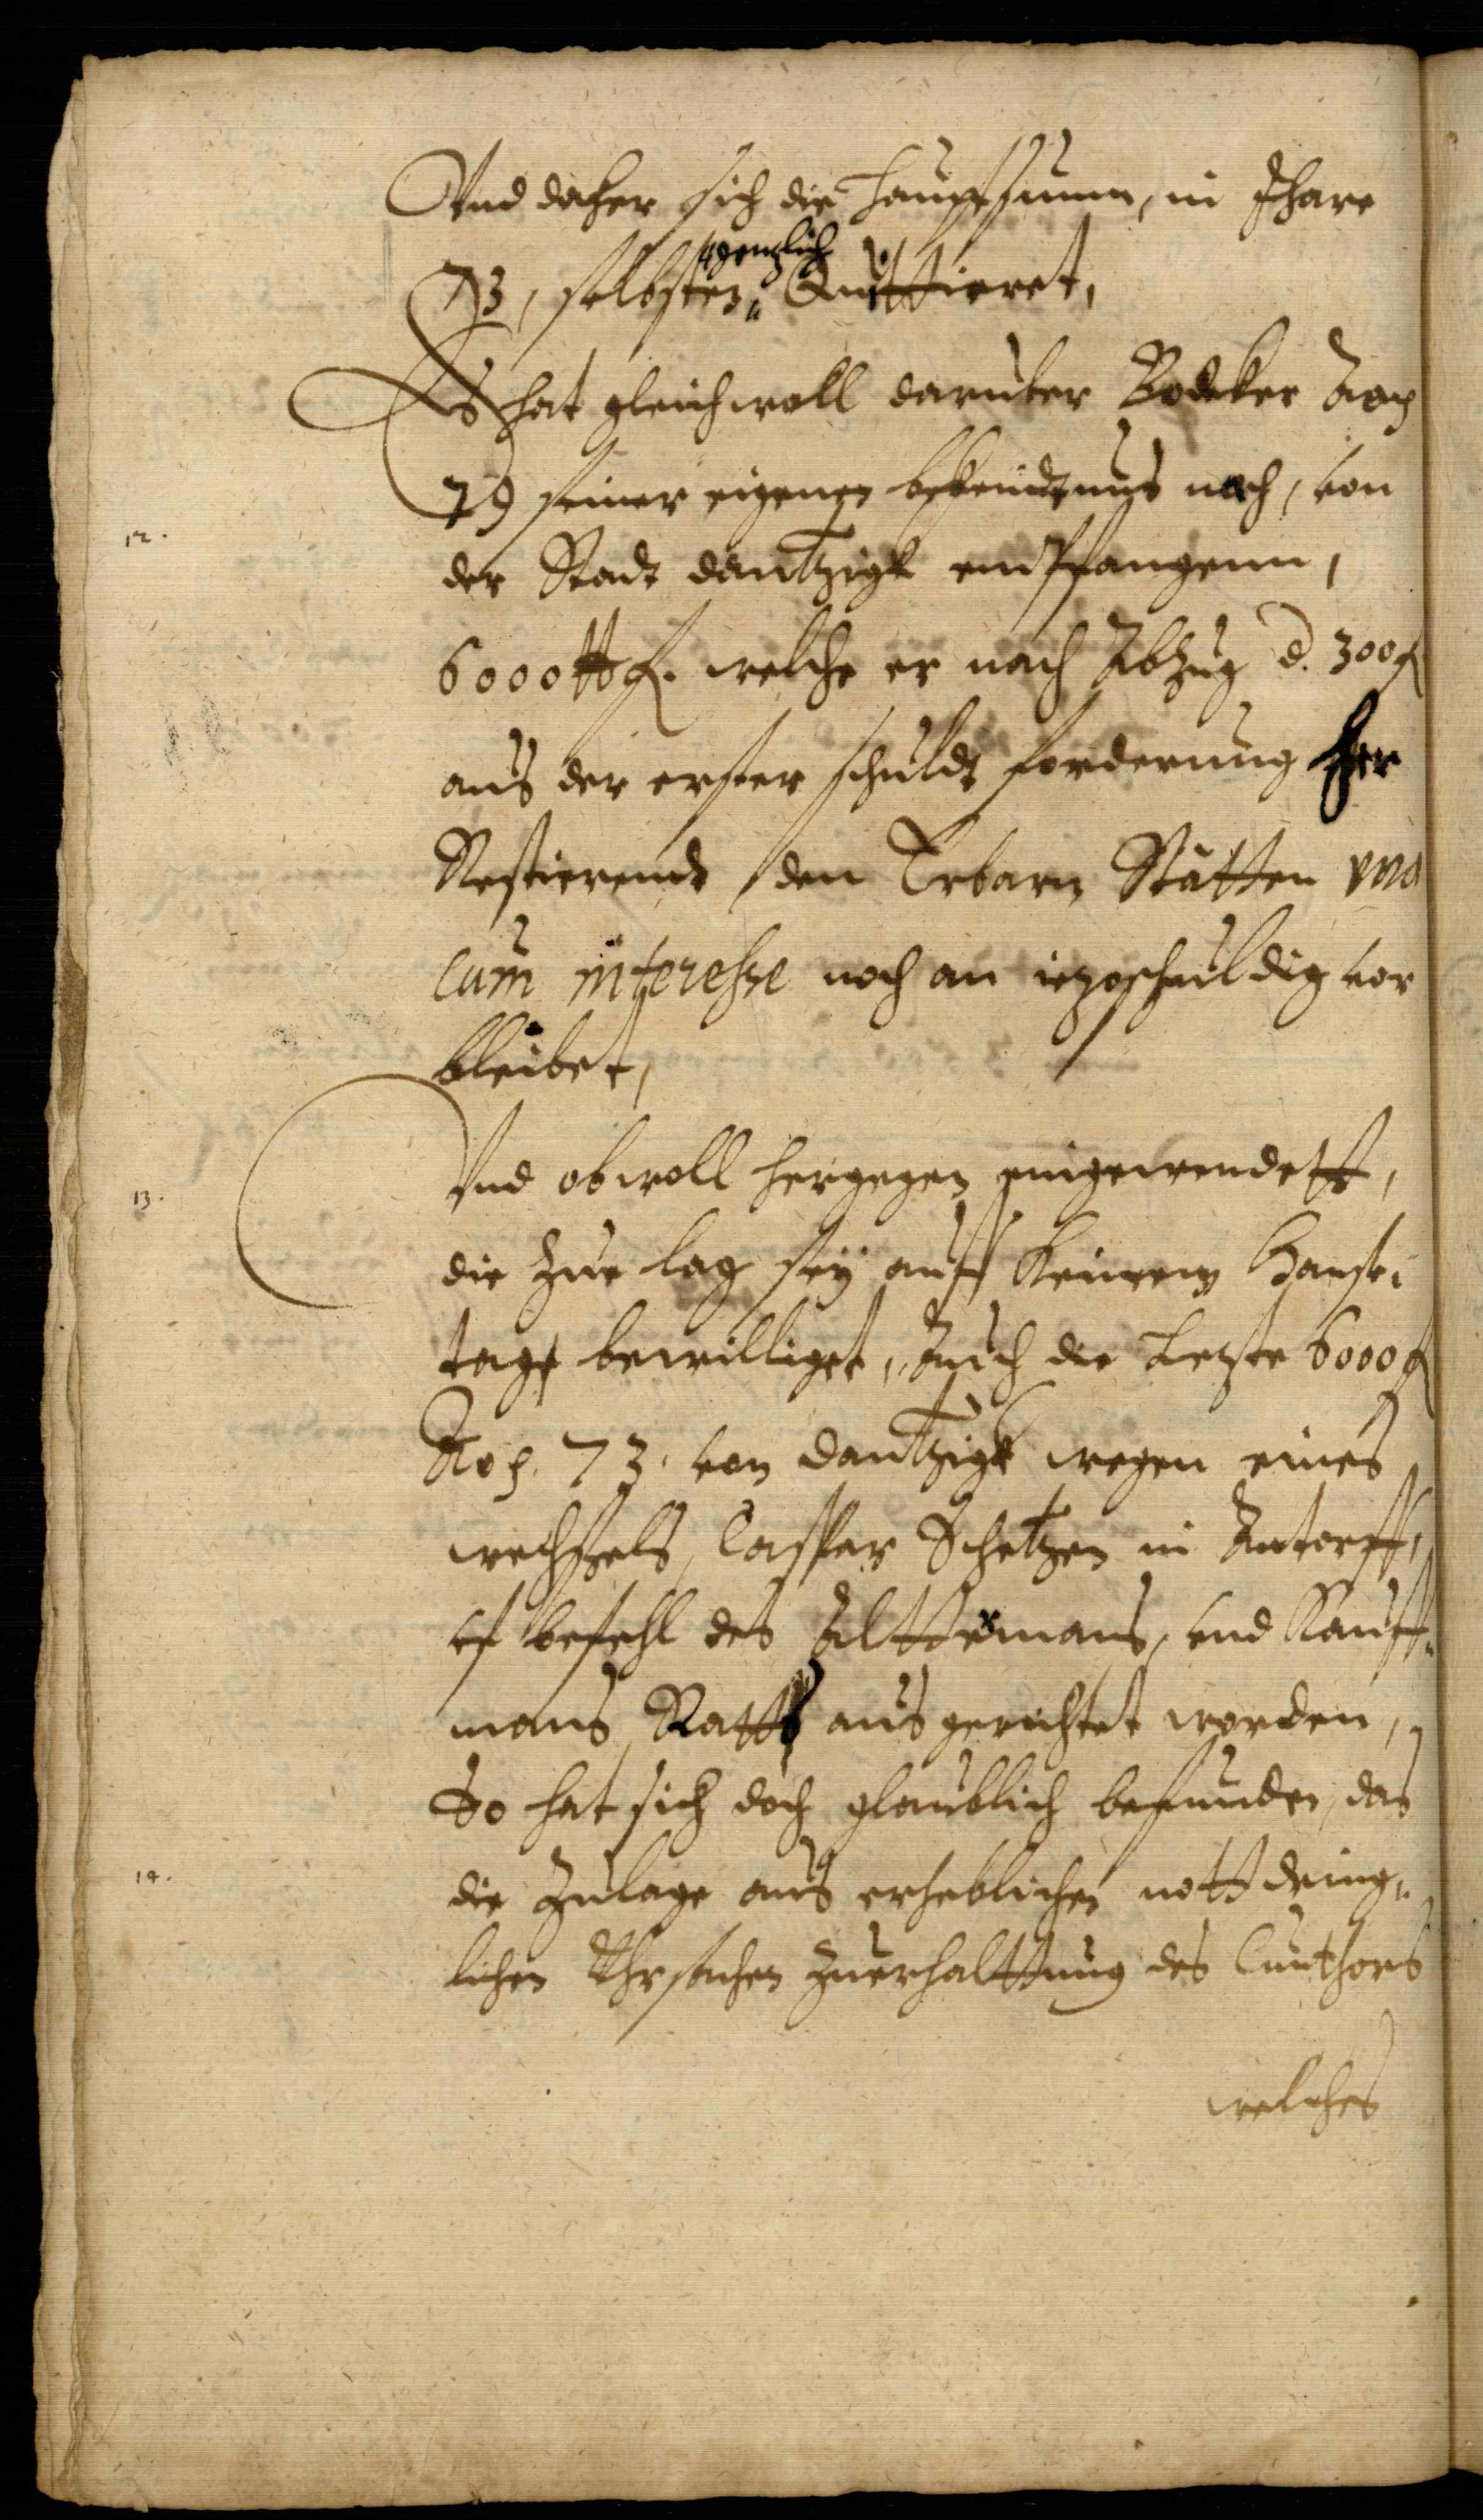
Vnd daher sich die Hauptsumn, in Jhare
73, selbsten genzlich Quittieret,
Es hat gleichwoll daruber Bodeker Aop.
79 seiner eigenen bekendtnus nach, von
der Stadt dantzigk empfangenn,
6000 lb f. welche er nach Abzug der 300 f.
aus der erster schuldt forderung her
Restierendt den Erbarn Stätten vna
cum interesse noch an itzoschuldig vor
bleibet,
Vnd obwoll hergegen eingewandett,
die zue lag seij auff keinem Hanse¬
tage bewilliget, auch die Lezte 6000 f.
Ao p. 73, von dantzigk wegen eines
wechssels Caspar Schetzen in Antorff,
vf befell des alttermans, vnd Kauff¬
mans Ratth aus gerichtet worden,
so hat sich doch glaublich befunden, das
die zulage aus erheblichen nott dring¬
lichen Vhrsachen zuerhalttung des Cunthors
welches
12.
13.
14.
